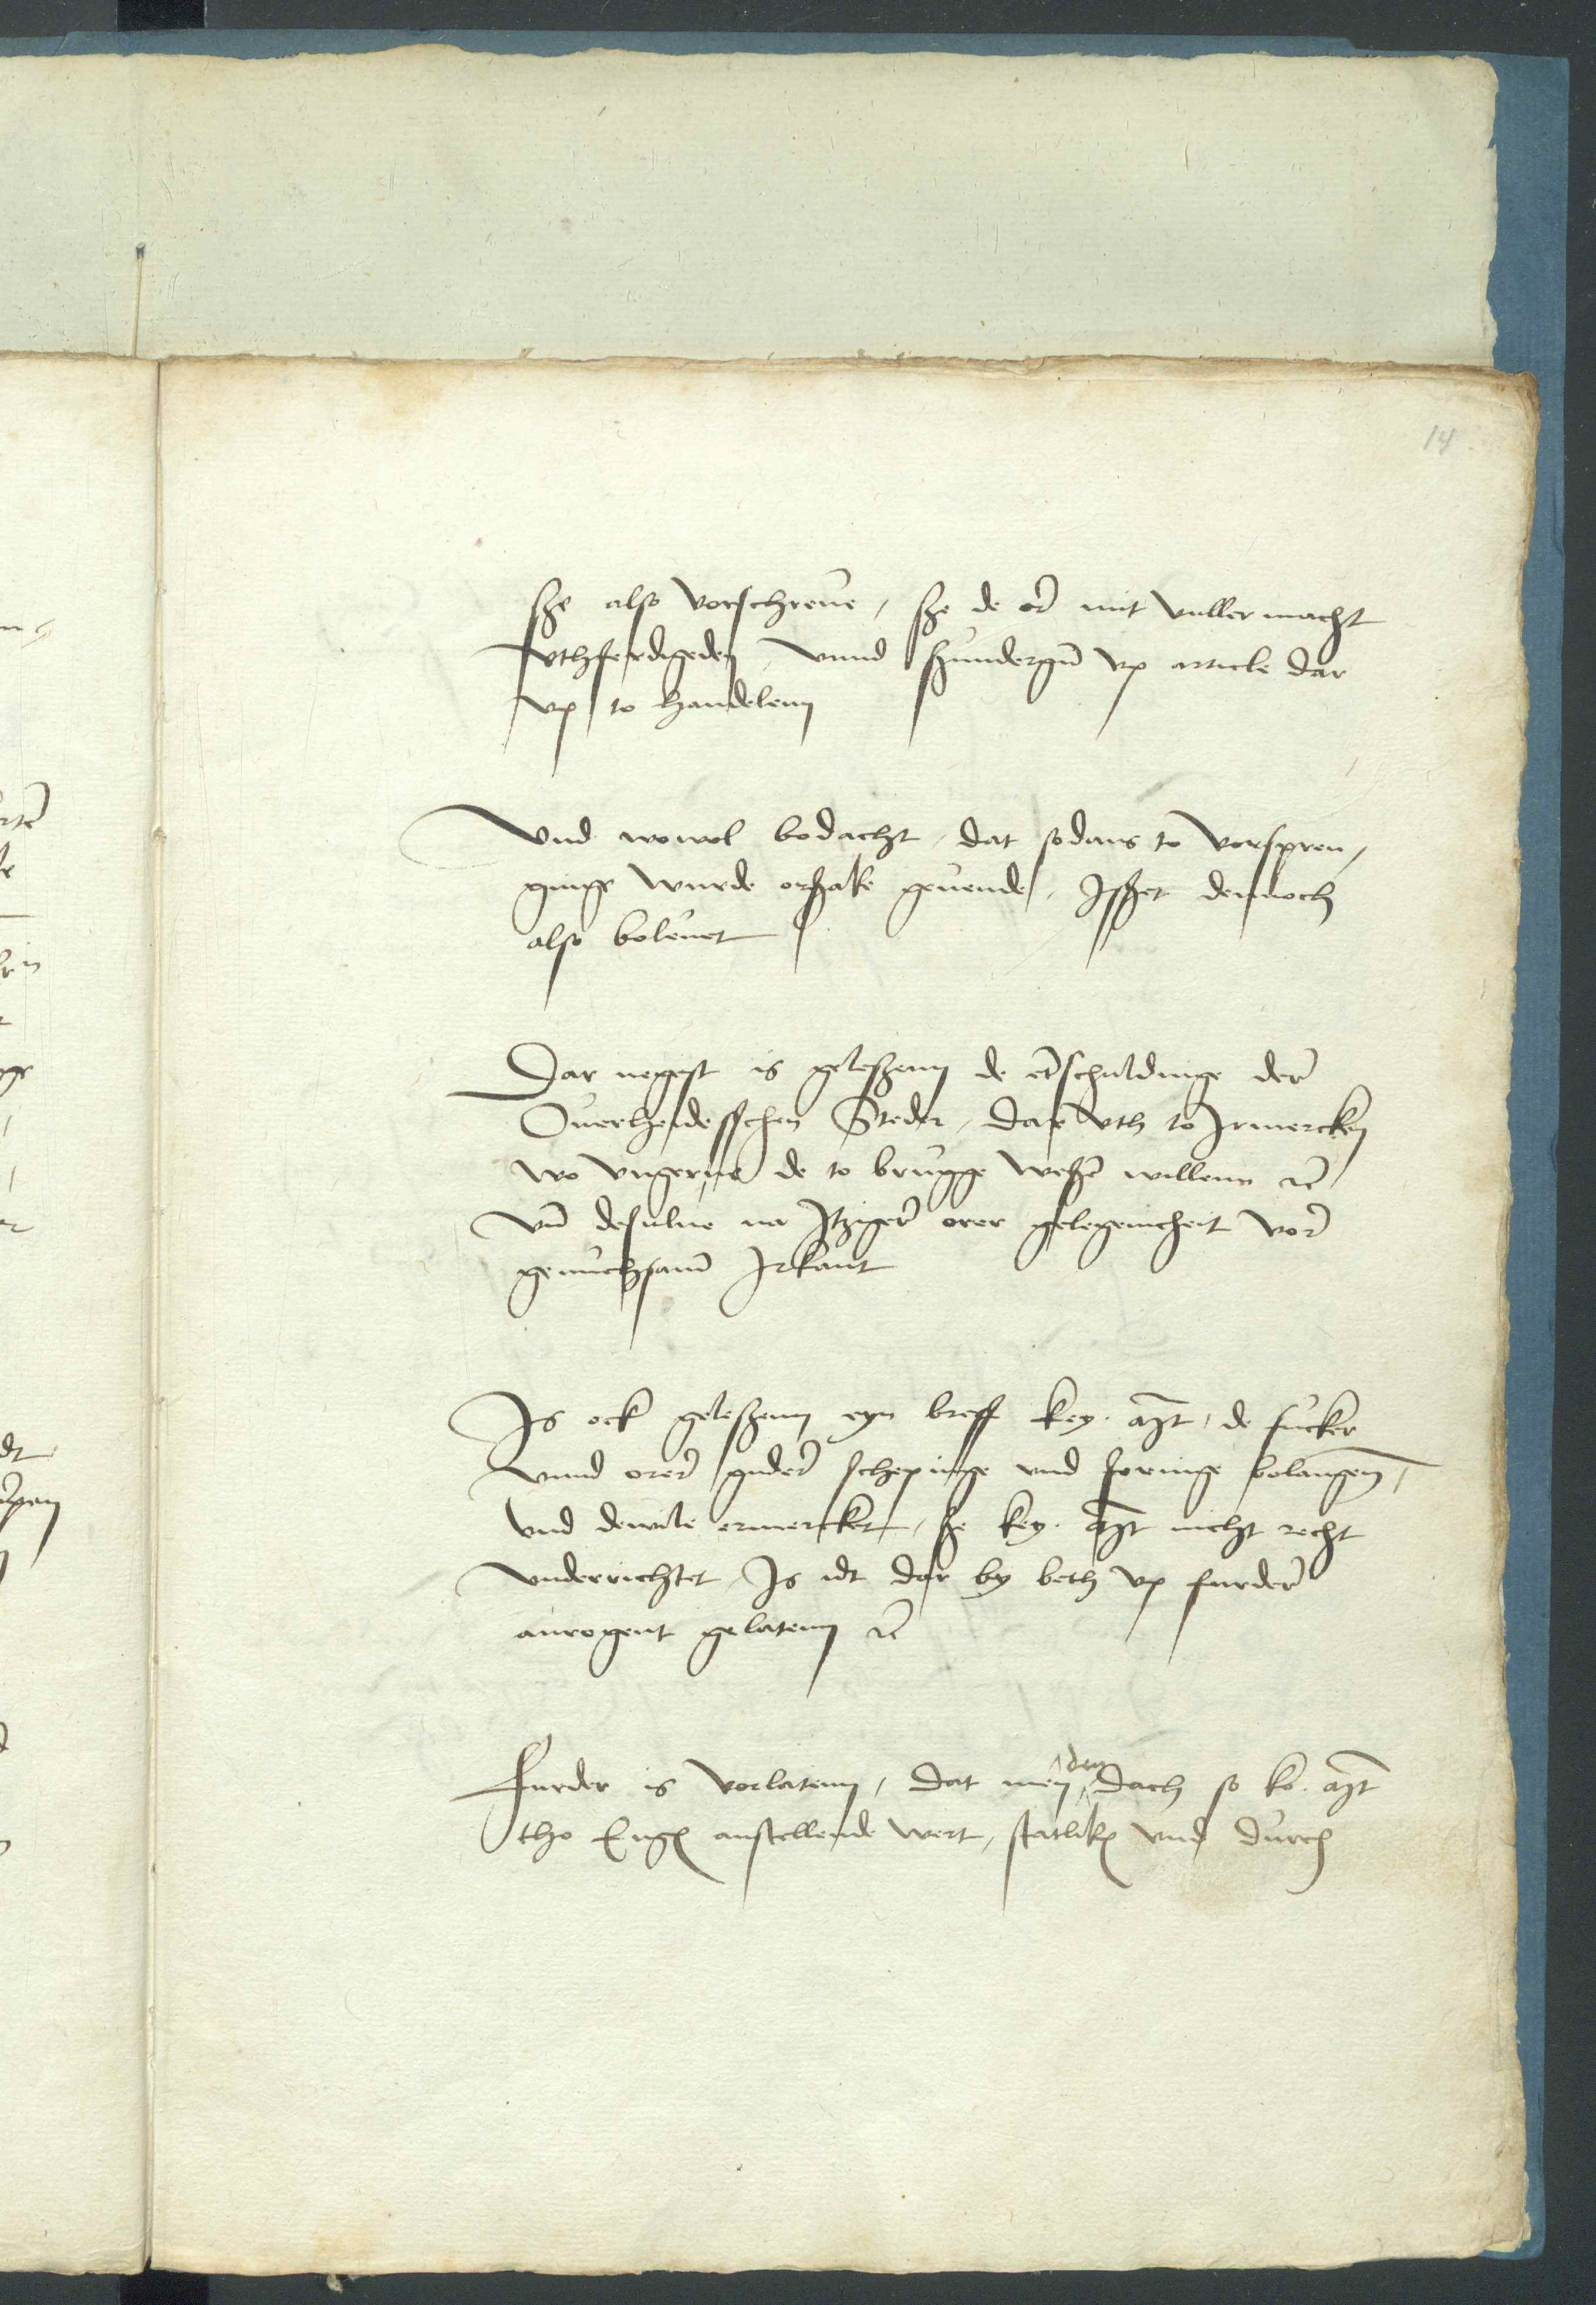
ße also vorschreuen, ße de oren mit vuller macht
uthfertigeden vnnd ßundergen vp article dar¬
vp to handelenn
Vnd wowol bodacht, dat sodans to vorspren¬
ginge wurde orßake geuende, Jsßet dennoch
also boleuet
Dar negest is geleßenn de entschuldinge der
Ouerheidesschen Steder, daruth to Jrmercken
wo vngerne de to brugge weßen willenn etc
vnd desulue na Jtziger orer gelegenicheit vor
genuchsam Jrkant
Js ock geleßenn eyn breff key. mt, de fucker
vnnd orer guder schepinge vnd foringe bolangenn
vnd dewile ermercken, ße key. mt nicht recht
vnderrichtet, Js idt dar by beth vp furdere
anrogent gelaten etcetera
Furder is vorlaten, dat men den dach so ko. mt
tho England anstellende wert, statliken vnd durch
